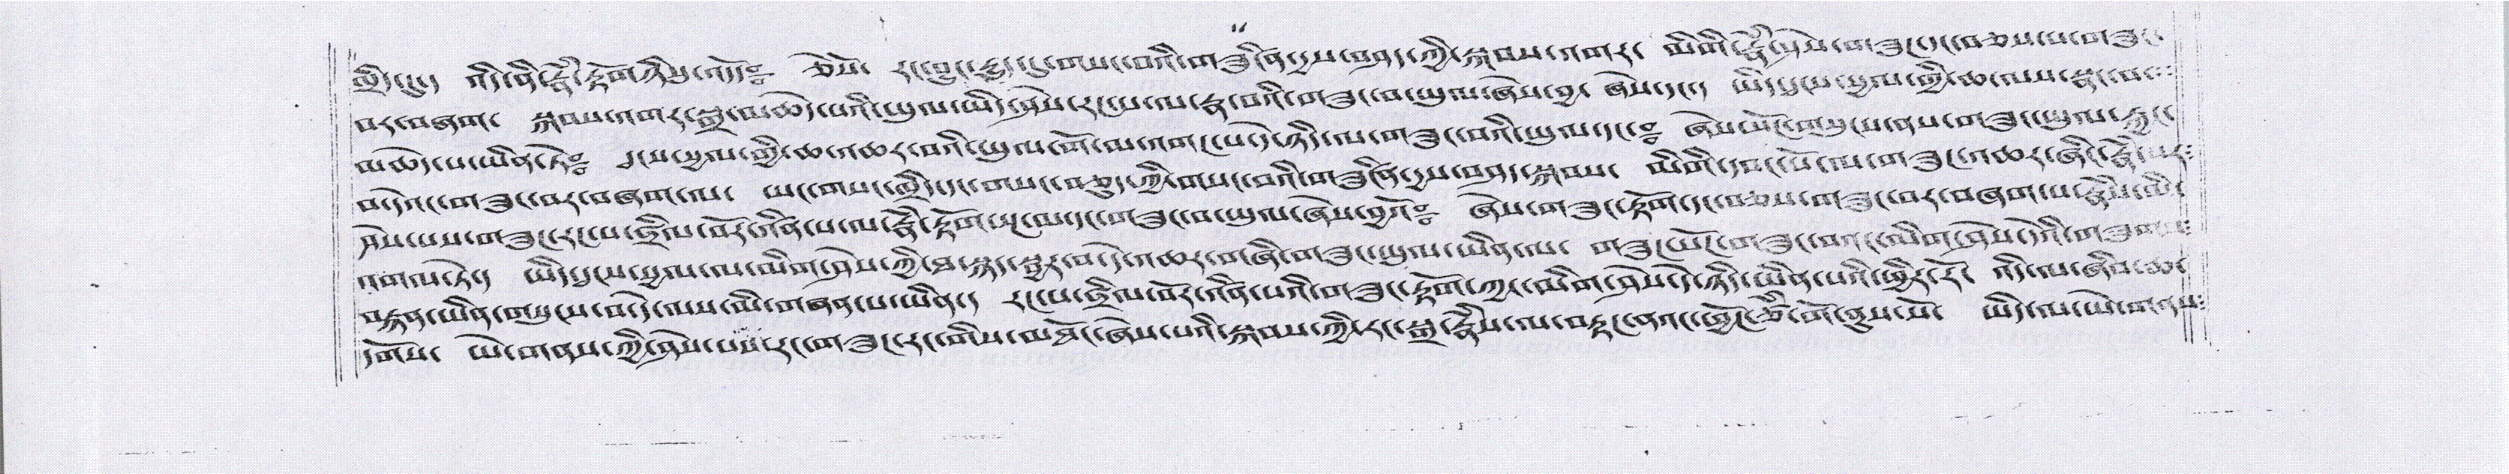ཁྲིད་དུ། འདི་ནི་རྣམ་རྟོག་གཉིས་སུ་འདོདཿ ཅེས་སོ། རང་བྱུང་རྒྱུད་དུ་གསང་བའི་གཟུང་འཛིན་རྒྱས་བཤད་ཀྱི་སྐབས་འགར། མིག་གི་རྣམ་ཤེས་གཟུགས་དང་བཅས་གཟུང་
བར་བཞག སྐབས་འགར་སྒྲ་མཆེད་པའི་ཡུལ་ཡིད་ཤེས་རགས་པ་ལ་རྣ་བའི་གཟུང་བ་ཡུལ་ཞེས་བྱ་ཞེས་དང་། ཡིད་དྭངས་གསལ་གྱི་ཆ་ལ་སྣང་བ་
མཆེད་པ་ཡིན་ཏེཿ དྭངས་གསལ་གྱི་ཆ་འཆར་བའི་ཡུལ་གོ་མ་འགག་པ་དེ་ཉིད་ལ་གཟུང་བའི་ཡུལ་དངཿ ཞེས་སོགས་གསུངས་ནས་གཟུང་ཡུལ་རྐྱང་
པ་དེའང་གཟུང་བར་བཞག་ལ། ཡང་གསང་ཁྲིད་དང་གསང་བཅུད་ཀྱི་གསང་བའི་གཟུང་འཛིན་རྒྱས་བཤད་སྐབས། མིག་གི་དབང་པོ་ལ་གཟུགས་འཆར་ཞིང་རྣམ་པར་
ཤེས་པས་གཟུགས་རགས་པ་ཧྲིལ་པོར་འཛིན་པ་ལ་རྣམ་རྟོག་སྔ་མ་དང་གཟུང་བ་ཡུལ་ཞེས་བྱའོ༑ ཞེས་གཟུང་རྟོག་དང་བཅས་གཟུང་བར་བཞག་པ་རྣམས་མི་
འགལ་ཏེ། ཡིད་དྭངས་གསལ་ལ་མིག་ཤེས་ཀྱི་ཐ་སྙད་སྦྱར་བ་དེ་འཆར་གཞི་གཟུང་ཡུལ་ཡིན་ལ། གཟུགས་སོགས་གཟུང་བ་དང་མིག་ཤེས་དེའི་གཟུགས་
བརྙན་ཡིན་གསུངས་པ་དེ་ལས་མི་གཞན་པ་ཡིན། རགས་པ་ཧྲིལ་པོར་འཛིན་པའི་གཟུང་རྟོག་ཀྱང་མིག་ཤེས་དེ་ཉིད་ཡིན་པའི་ཕྱིར་རོ། འདི་ལ་ཞིབ་ཆ་
དགོས། ཡེ་གནས་ཀྱི་ཤེས་པས་རང་གཟུགས་རང་གིས་མཐོང་ཞེས་པའི་སྐབས་ཀྱི་རང་སྒྲ་རྣམས་ལ་བརྟགས་ནའང་ཕྱོགས་ཙམ་གོ་ནུས་སོ། ཡིད་ལ་ཡེ་གནས་